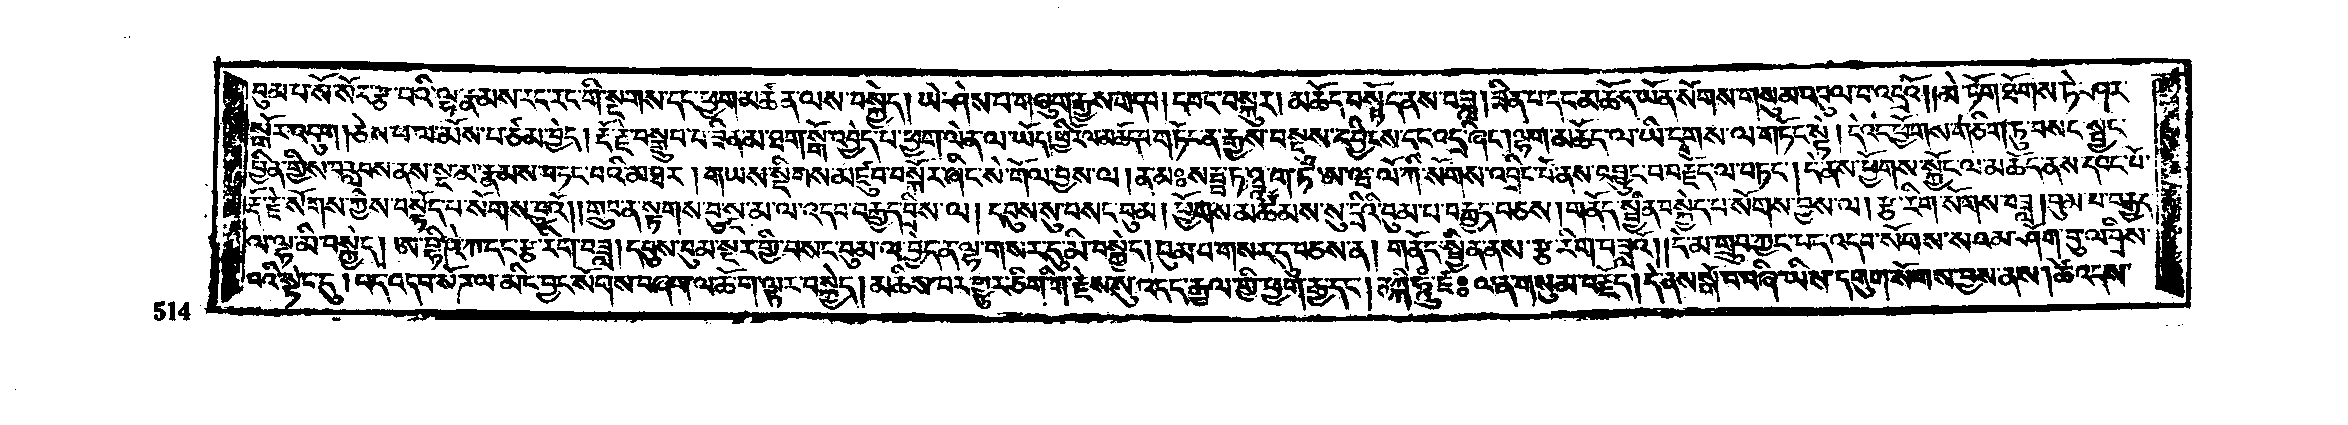བུམ་པ་སོ་སོར་རྩ་བའི་ལྷ་རྣམས་རང་རང་གི་སྔགས་དང་ཕྱག་མཚན་ལས་བསྐྱེད། ཡེ་ཤེས་པ་གཞུག་རྒྱས་གདབ། དབང་བསྐུར། མཆོད་བསྟོད་ནས་བཟླ། ཟིན་པ་དང་མཆོད་ཡོན་སོགས་གསུམ་འབུལ་བ་འདྲའོ། །མེ་ཏོག་ཐོགས་ཏེ་ཤར་
སྒོར་འདུག །ཅེས་པ་ལ་མོས་པ་ཙམ་བྱེད། རྡོ་རྗེ་བསྒྲུབ་པ་ཟིན་མ་ཐག་སྒོ་འབྱེད་པ་ཕྱག་ལེན་ལ་ཡོད། ཕྱི་རོལ་མཆོད་པ་གཏོང་ན་རྒྱས་བསྡུས་དབྱིངས་དང་འདྲ་ཞིང་། ལྷག་མཆོད་ལ་ཡི་དྭགས་ལ་གཏོང་སྟེ། དེའང་ཕྱོགས་གཅིག་ཏུ་བསང་སྦྱང་
བྱིན་གྱིས་བརླབས་ནས་སྔ་མ་རྣམས་བཏང་བའི་མཐར། གཡས་སྡིགས་མཛུབ་བསྐོར་ཞིང་སེ་གོལ་བྱས་ལ། ན་མཿ སརྦྦ་ཏ་ཐཱ་ག་ཏ་ཨ་ཝ་ལོ་ཀི་སོགས་འབྲིང་པོ་ནས་འབྱུང་བ་བརྗོད་ལ་བཏང་། དེ་ནས་ཕྱོགས་སྐྱོང་ལ་མཆོད་ནས་དབང་པོ་
རྡོ་རྗེ་སོགས་ཀྱིས་བསྟོད་པ་སོགས་བྱའོ། །གྲུབ་ན་སྟགས་བུ་སྔ་མ་ལ་འདབ་བརྒྱད་བྲིས་ལ། དབུས་སུ་བསང་བུམ། ཕྱོགས་མཚམས་སུ་དྲིའི་བུམ་པ་བརྒྱད་བཅས། གནོད་སྦྱིན་བསྐྱེད་པ་སོགས་བྱས་ལ། རྩ་རིག་སོགས་བཟླ། བུམ་པ་བརྒྱད་
ལ་ལྷ་མི་བསྐྱེད། ཨ་བྷི་ཥེ་ཀ་དང་རྩ་རིག་བཟླ། དབུས་བུམ་སྔར་གྱི་བསང་བུམ་ལ་བྱེད་ན་ལྷ་གསར་དུ་མི་བསྐྱེད། བུམ་པ་གསར་དུ་བཅས་ན། གནོད་སྦྱིན་ནས་རྩ་རིག་བཟླའོ། །དེ་མ་གྲུབ་ཀྱང་པད་འདབ་སོགས་སའམ་ཤོག་བུ་ལ་བྲིས་
པའི་སྟེང་དུ། པད་འདབ་སོགས་ལ་མིང་བྱང་སོགས་བཞག་ལ་ཆོ་ག་ལྟར་བསྐྱེད། མཆིས་པར་གྱུར་ཅིག་གི་རྗེས་སུ་འདོད་རྒྱལ་གྱི་ཕྱག་རྒྱ་དང་། ཊཀྐི་ཧཱུཾ་ཛཿ ལན་གསུམ་བརྗོད། དེ་ནས་སྒོ་བ་བཞི་ཡིས་དགུག་སོགས་བྱས་ནས། ཚེ་འདས་